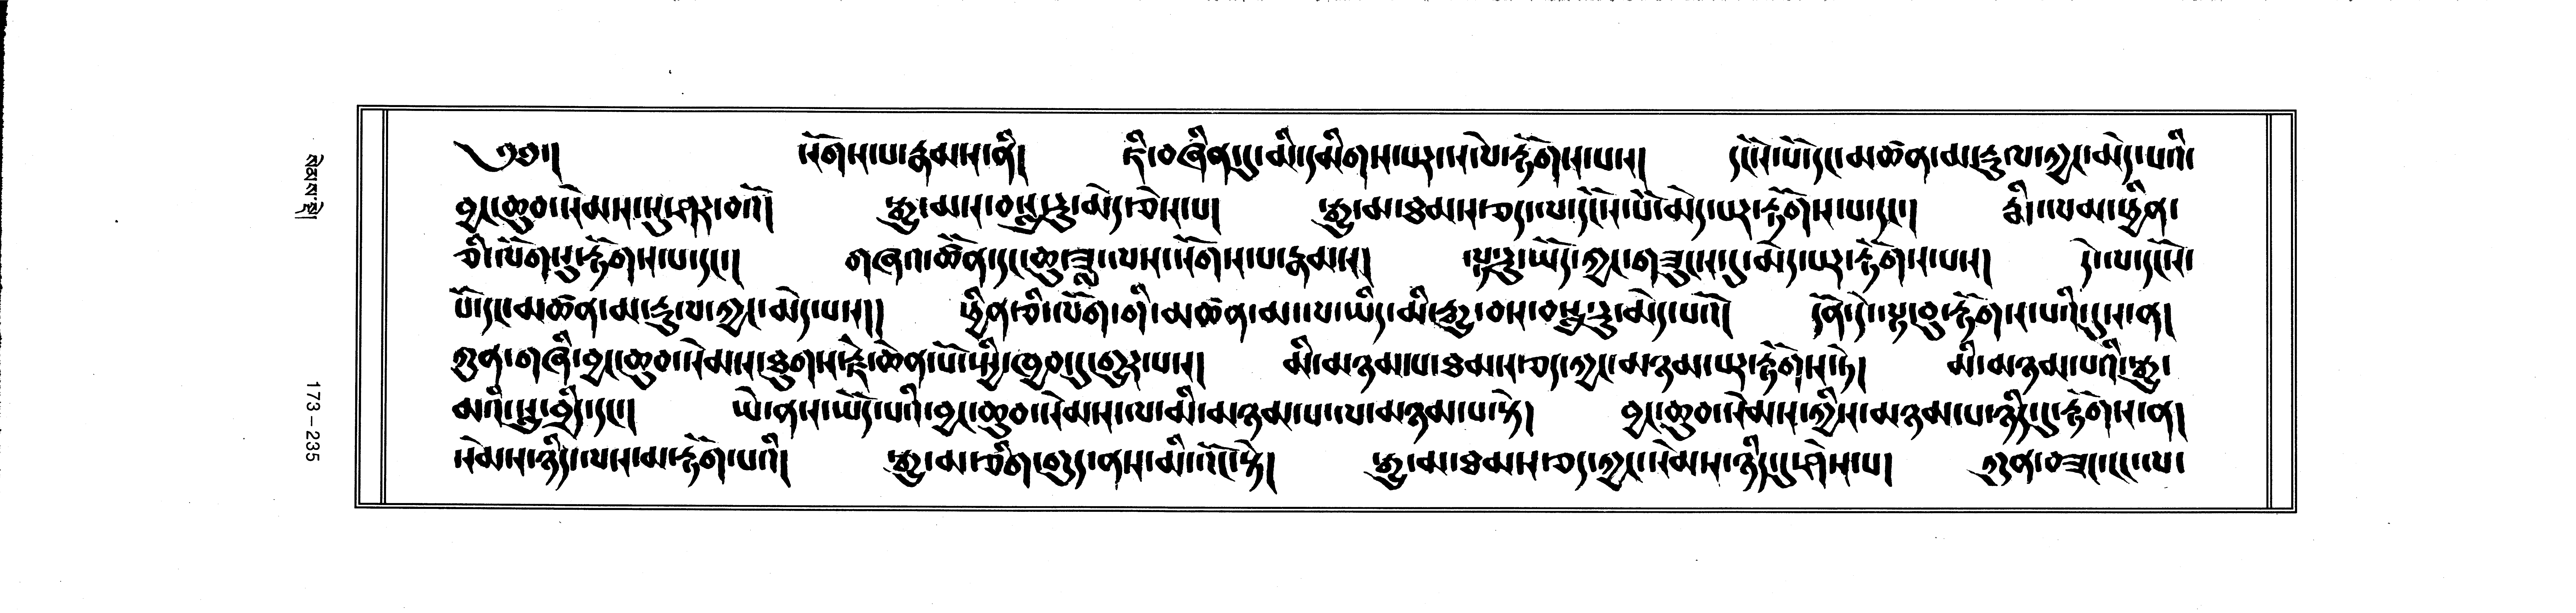སོགས་པ་རྣམས་ནི། ཇི་བཞིན་དུ་མི་དམིགས་པར་སལེ་རྟོགས་པས། དངོས་པོ་དང་མཚན་མ་རྡུལ་ཀྱང་མེད་པའི་
བྱང་ཆུབ་སེམས་སུ་ཤར་བའོ། །སྒྱུ་མས་བསླུ་རུ་མེད་ཅེས་པ། སྒྱུ་མ་ཐམས་ཅད་ལ་དངོས་པོ་མེད་པར་རྟོགས་པ་དང་། རྨི་ལམ་ཕྱིན་
ཅི་ལོག་ཏུ་རྟོགས་པ་དང་། གཞའ་ཚོན་དང་ཆུ་ཟླ་ལ་སོགས་པ་རྣམས། ལྟ་རུ་ཡོད་ཀྱང་གཟུང་དུ་མེད་པར་རྟོགས་པས། དེ་ལ་དངོས་
པོ་དང་མཚན་མ་རྡུལ་ཀྱང་མེད་པས། ཕྱིན་ཅི་ལོག་གི་མཚན་ལ་ཡིད་མི་རྒྱུ་བས་བསླུ་རུ་མེད་པའོ། །དོན་དེ་ལྟ་བུ་རྟོགས་པའི་དུས་ན། 
ཀུན་གཞི་བྱང་ཆུབ་སེམས་ཐུགས་རྗེ་ཆེན་པོ་སྤྱི་ཁྱབ་ཏུ་གྱུར་པས། མི་མཉམ་པ་ཐམས་ཅད་ཀྱང་མཉམ་པར་རྟོགས་ཏེ། མི་མཉམ་པའི་སྒྱུ་
མའི་བསླུ་བྲིད་དང་། ཡེ་ནས་ཡོད་པའི་བྱང་ཆུབ་སེམས་ལ་མི་མཉམ་པ་ལ་མཉམ་པ་སྟེ། བྱང་ཆུབ་སེམས་ཀྱིས་མཉམ་པ་ཉིད་དུ་རྟོགས་ན། 
སེམས་ཉིད་ལས་མ་རྟོགས་པའི། སྒྱུ་མ་ཅིག་གུད་ནས་མི་འོང་སྟེ། སྒྱུ་མ་ཐམས་ཅད་ཀྱང་སེམས་ཉིད་དུ་ཤེས་པ། ཀུན་བཟང་ངང་ལ་